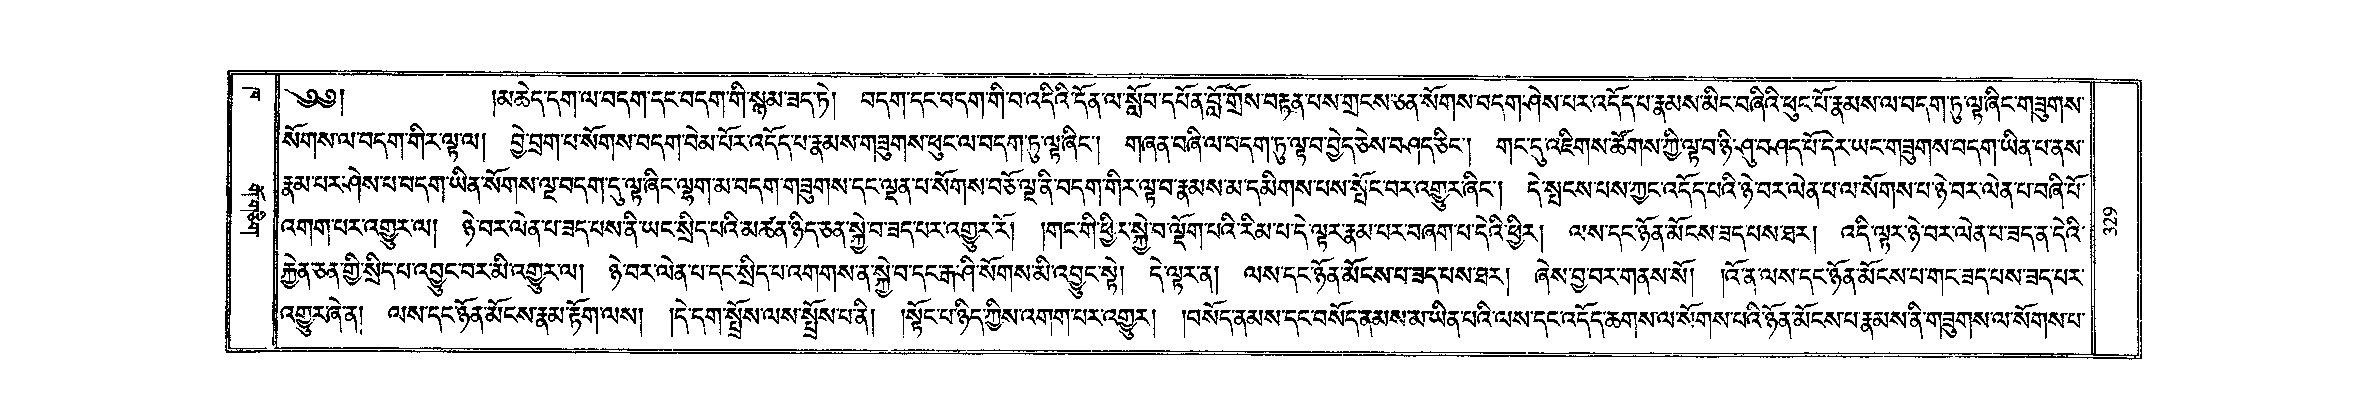༄༅། །མཆེད་དག་ལ་བདག་དང་བདག་གི་སྙམ་ཟད་ཏེ། བདག་དང་བདག་གི་བ་འདིའི་དོན་ལ་སློབ་དཔོན་བློ་གྲོས་བརྟན་པས་གྲངས་ཅན་སོགས་བདག་ཤེས་པར་འདོད་པ་རྣམས་མིང་བཞིའི་ཕུང་པོ་རྣམས་ལ་བདག་ཏུ་ལྟ་ཞིང་གཟུགས་
སོགས་ལ་བདག་གིར་ལྟ་ལ། བྱེ་བྲག་པ་སོགས་བདག་བེམ་པོར་འདོད་པ་རྣམས་གཟུགས་ཕུང་ལ་བདག་ཏུ་ལྟ་ཞིང་། གཞན་བཞི་ལ་བདག་ཏུ་ལྟ་བ་བྱེད་ཅེས་བཤད་ཅིང་། གང་དུ་འཇིགས་ཚོགས་ཀྱི་ལྟ་བ་ཉི་ཤུ་བཤད་པོ་དེར་ཡང་གཟུགས་བདག་ཡིན་པ་ནས་
རྣམ་པར་ཤེས་པ་བདག་ཡིན་སོགས་ལྔ་བདག་དུ་ལྟ་ཞིང་ལྷག་མ་བདག་གཟུགས་དང་ལྡན་པ་སོགས་བཅོ་ལྔ་ནི་བདག་གིར་ལྟ་བ་རྣམས་མ་དམིགས་པས་སྤོང་བར་འགྱུར་ཞིང་། དེ་སྤངས་པས་ཀྱང་འདོད་པའི་ཉེ་བར་ལེན་པ་ལ་སོགས་པ་ཉེ་བར་ལེན་པ་བཞི་པོ་
འགག་པར་འགྱུར་ལ། ཉེ་བར་ལེན་པ་ཟད་པས་ནི་ཡང་སྲིད་པའི་མཚན་ཉིད་ཅན་སྐྱེ་བ་ཟད་པར་འགྱུར་རོ། །གང་གི་ཕྱིར་སྐྱེ་བ་ལྡོག་པའི་རིམ་པ་དེ་ལྟར་རྣམ་པར་བཞག་པ་དེའི་ཕྱིར། ལས་དང་ཉོན་མོངས་ཟད་པས་ཐར། འདི་ལྟར་ཉེ་བར་ལེན་པ་ཟད་ན་དེའི་
རྐྱེན་ཅན་གྱི་སྲིད་པ་འབྱུང་བར་མི་འགྱུར་ལ། ཉེ་བར་ལེན་པ་དང་སྲིད་པ་འགགས་ན་སྐྱེ་བ་དང་རྒ་ཤི་སོགས་མི་འབྱུང་སྟེ། དེ་ལྟར་ན། ལས་དང་ཉོན་མོངས་པ་ཟད་པས་ཐར། ཞེས་བྱ་བར་གནས་སོ། །འོ་ན་ལས་དང་ཉོན་མོངས་པ་གང་ཟད་པས་ཟད་པར་
འགྱུར་ཞེ་ན། ལས་དང་ཉོན་མོངས་རྣམ་རྟོག་ལས། །དེ་དག་སྤྲོས་ལས་སྤྲོས་པ་ནི། །སྟོང་པ་ཉིད་ཀྱིས་འགག་པར་འགྱུར། །བསོད་ནམས་དང་བསོད་ནམས་མ་ཡིན་པའི་ལས་དང་འདོད་ཆགས་ལ་སོགས་པའི་ཉོན་མོངས་པ་རྣམས་ནི་གཟུགས་ལ་སོགས་པ་